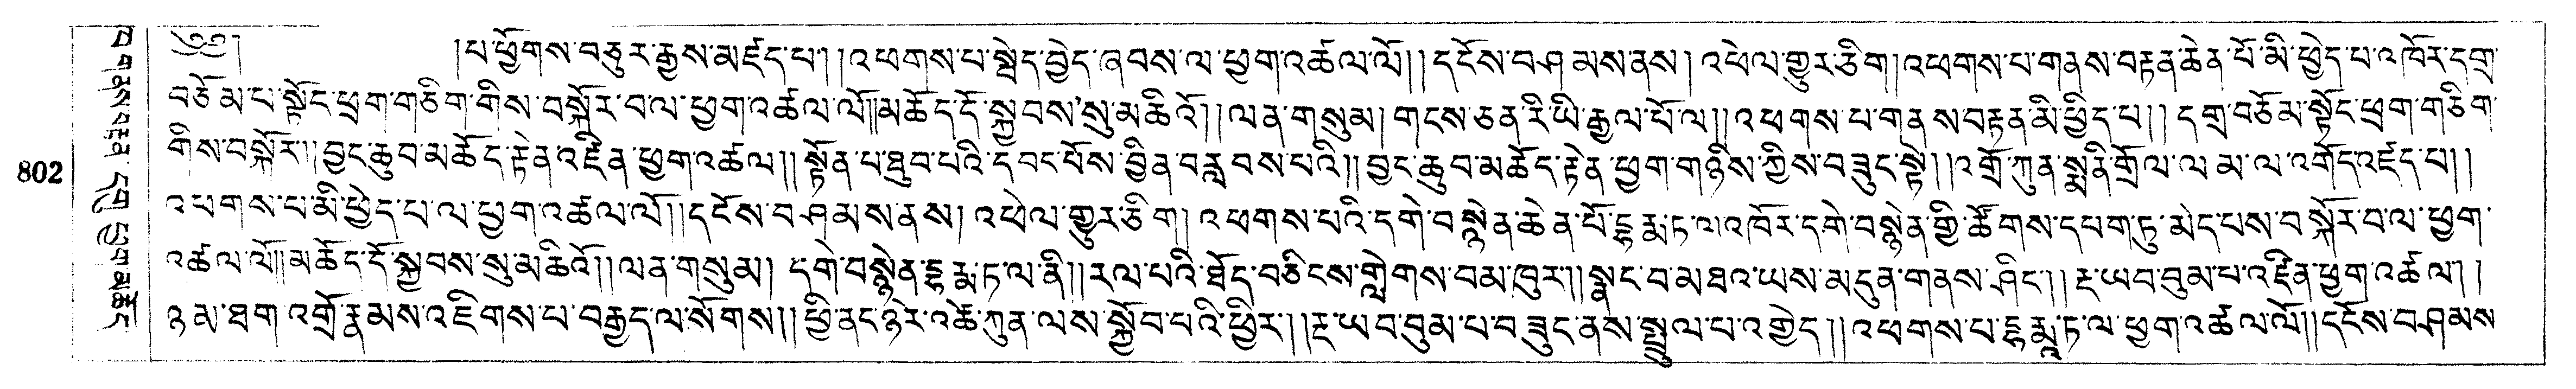༄༅། །པ་ཕྱོགས་བཅུར་རྒྱས་མཛད་པ། །འཕགས་པ་སྦེད་བྱེད་ཞབས་ལ་ཕྱག་འཚལ་ལོ། །དངོས་བཤམས་ནས། འཕེལ་གྱུར་ཅིག །འཕགས་པ་གནས་བརྟན་ཆེན་པོ་མི་ཕྱེད་པ་འཁོར་དགྲ་
བཅོམ་པ་སྟོང་ཕྲག་གཅིག་གིས་བསྐོར་བ་ལ་ཕྱག་འཚལ་ལོ། །མཆོད་དོ་སྐྱབས་སུ་མཆིའོ། །ལན་གསུམ། གངས་ཅན་རི་ཡི་རྒྱལ་པོ་ལ། །འཕགས་པ་གནས་བརྟན་མི་ཕྱིད་པ། །དགྲ་བཅོམ་སྟོང་ཕྲག་གཅིག་
གིས་བསྐོར། །བྱང་ཆུབ་མཆོད་རྟེན་འཛིན་ཕྱག་འཚལ། །སྟོན་པ་ཐུབ་པའི་དབང་པོས་བྱིན་བརླབས་པའི། །བྱང་ཆུབ་མཆོད་རྟེན་ཕྱག་གཉིས་ཀྱིས་བཟུང་སྟེ། །འགྲོ་ཀུན་སྨིན་གྲོལ་ལམ་ལ་འགོད་འཛད་པ།།
འཕགས་པ་མི་ཕྱེད་པ་ལ་ཕྱག་འཚལ་ལོ། །དངོས་བཤམས་ནས། འཕེལ་གྱུར་ཅིག །འཕགས་པའི་དགེ་བསྙེན་ཆེན་པོ་དྷརྨ་ཏ་ལ་འཁོར་དགེ་བསྙེན་གྱི་ཚོགས་དཔག་ཏུ་མེད་པས་བསྐོར་བ་ལ་ཕྱག་
འཚལ་ལོ། །མཆོད་དོ་སྐྱབས་སུ་མཆིའོ། །ལན་གསུམ། དགེ་བསྙེན་དྷརྨ་ཏ་ལ་ནི། །རལ་པའི་ཐོད་བཅིངས་གླེགས་བམ་ཁུར། །སྣང་བ་མཐའ་ཡས་མདུན་གནས་ཤིང་། །རྡ་ཡབ་བུམ་པ་འཛིན་ཕྱག་འཚལ། །
ཉམ་ཐག་འགྲོ་རྣམས་འཇིགས་པ་བརྒྱད་ལ་སོགས། །ཕྱི་ནང་ཉེར་འཚེ་ཀུན་ལས་སྐྱོབ་པའི་ཕྱིར། །རྔ་ཡབ་བུམ་པ་བཟུང་ནས་སྤྲུལ་པ་འགྱེད། །འཕགས་པ་དྷརྨཱ་ཏ་ལ་ཕྱག་འཚལ་ལོ། །དངོས་བཤམས་